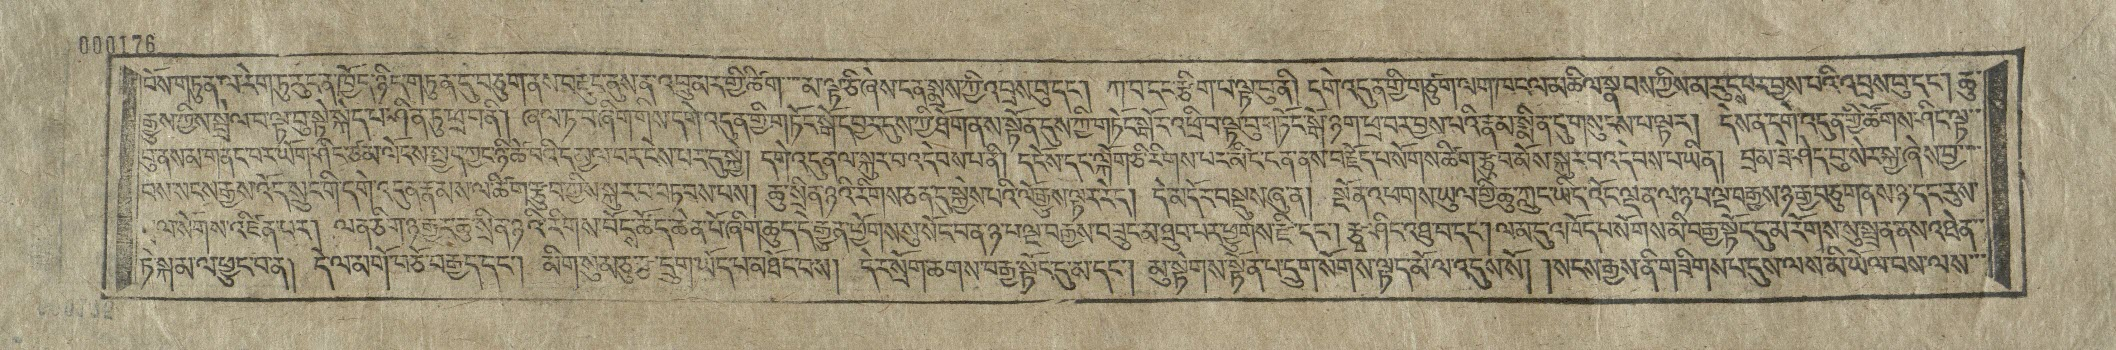བོས་གཏུན་ལ་རེག་ཏུ་རུང་ན་ཁྱོད་ཉིད་གཏུན་དུ་བཅུག་ནས་བརྡུང་ནུས་ན་འབྲུ་མར་གྱི་ཚིག་མ་ལྟ་ཅི་ཞེས་ངན་སྨྲས་ཀྱི་འབྲས་བུ་དང་། ཀ་བ་དང་རྩིག་པ་ལྟ་བུ་ནི། དགེ་འདུན་གྱི་གཙུག་ལག་ཁང་ལ་མཆིལ་སྣབས་ཀྱིས་མ་རུངས་པར་བྱས་པའི་འབྲས་བུ་དང་། ཆུ་
རྒྱུས་ཀྱིས་སྦྲེལ་བ་ལྟ་བུ་སྟེ་སྐེད་པ་ཤིན་ཏུ་ཕྲ་བ་ནི། ཞལ་ཏ་བ་ཞིག་གིས་དགེ་འདུན་གྱི་གཏོང་སྒོ་དབྱར་དུས་ཀྱི་ཐོག་ནས་སྟོན་དུས་ཀྱི་གཏོང་སྒོར་འཕྲི་བ་ལྟ་བུ་གཏོང་སྒོ་ཉག་ཕྲ་བར་བྱས་པའི་རྣམ་སྨིན་དུ་གསུངས་པ་ལྟར། དེས་ན་དགེ་འདུན་གྱི་ཚོགས་ཤིང་ལྟ་
བུ་ནས་མ་གནང་བར་ཡོག་ཤིང་ཙམ་ལོངས་སྤྱད་ཀྱང་ཉི་ཚེ་བའི་དམྱལ་བར་ངེས་པར་དུ་སྐྱེ། དགེ་འདུན་ལ་སྐུར་བ་འདེབས་པ་ནི། དངོས་དང་ལྐོག་ཅི་རིགས་པར་མིང་ངན་ནས་བརྗོད་པ་སོགས་ཚིག་རྩུབ་མོས་སྐུར་བ་འདེབས་པ་ཡིན། བྲམ་ཟེ་ཤེད་བུ་སེར་སྐྱ་ཞེས་བྱ་
བས་སངས་རྒྱས་འོད་སྲུང་གི་དགེ་འདུན་རྣམས་ལ་ཚིག་རྩུབ་ཀྱིས་སྐུར་བ་བཏབས་པས། ཆུ་སྲིན་ཉའི་རིགས་ཅན་དུ་སྐྱེས་པའི་ལོ་རྒྱུས་ལྟར་རེད། དེ་མདོར་བསྡུས་ཞུ་ན། སྔོན་འཕགས་ཡུལ་གྱི་ཆུ་ཀླུང་ཡིད་འོང་ལྡན་ལ་ཉ་པ་ལྔ་བརྒྱས་ཉ་རྒྱ་བཅུག་ནས་ཉ་དང་རུས་
སྦལ་སོགས་འཛིན་པར། ལན་ཅིག་ཉ་རྒྱར་ཆུ་སྲིན་ཉའི་རིགས་བོངས་?་ཚོད་ཆེན་པོ་ཞིག་ཆུད་དེ་རྒྱུན་ཕྱོགས་སུ་སོང་བ་ན་ཉ་པ་ལྔ་བརྒྱས་བཟུང་མ་ཐུབ་པར་ཕྱུགས་རྫི་དང་། རྩྭ་ཤིང་འཐུ་བ་དང་། ལམ་དུ་འཁོད་པ་སོགས་མི་བརྒྱ་སྟོང་དུ་མ་རོགས་སུ་སྦྲན་ནས་འཐེན་
ཏེ་སྐམ་ལ་ཕྱུང་བ་ན། དེ་ལ་མགོ་བཅོ་བརྒྱད་དང་། མིག་སུམ་ཅུ་རྩ་དྲུག་ཡོད་པ་མཐོང་བས། དེར་སྲོག་ཆགས་བརྒྱ་སྟོང་དུ་མ་དང་། མུ་སྟེགས་སྟོན་པ་དྲུག་སོགས་ལྟད་མོ་ལ་འདུས་སོ། །སངས་རྒྱས་ནི་གཟིགས་པ་དུས་ལས་མི་ཡོལ་བས་ལས་